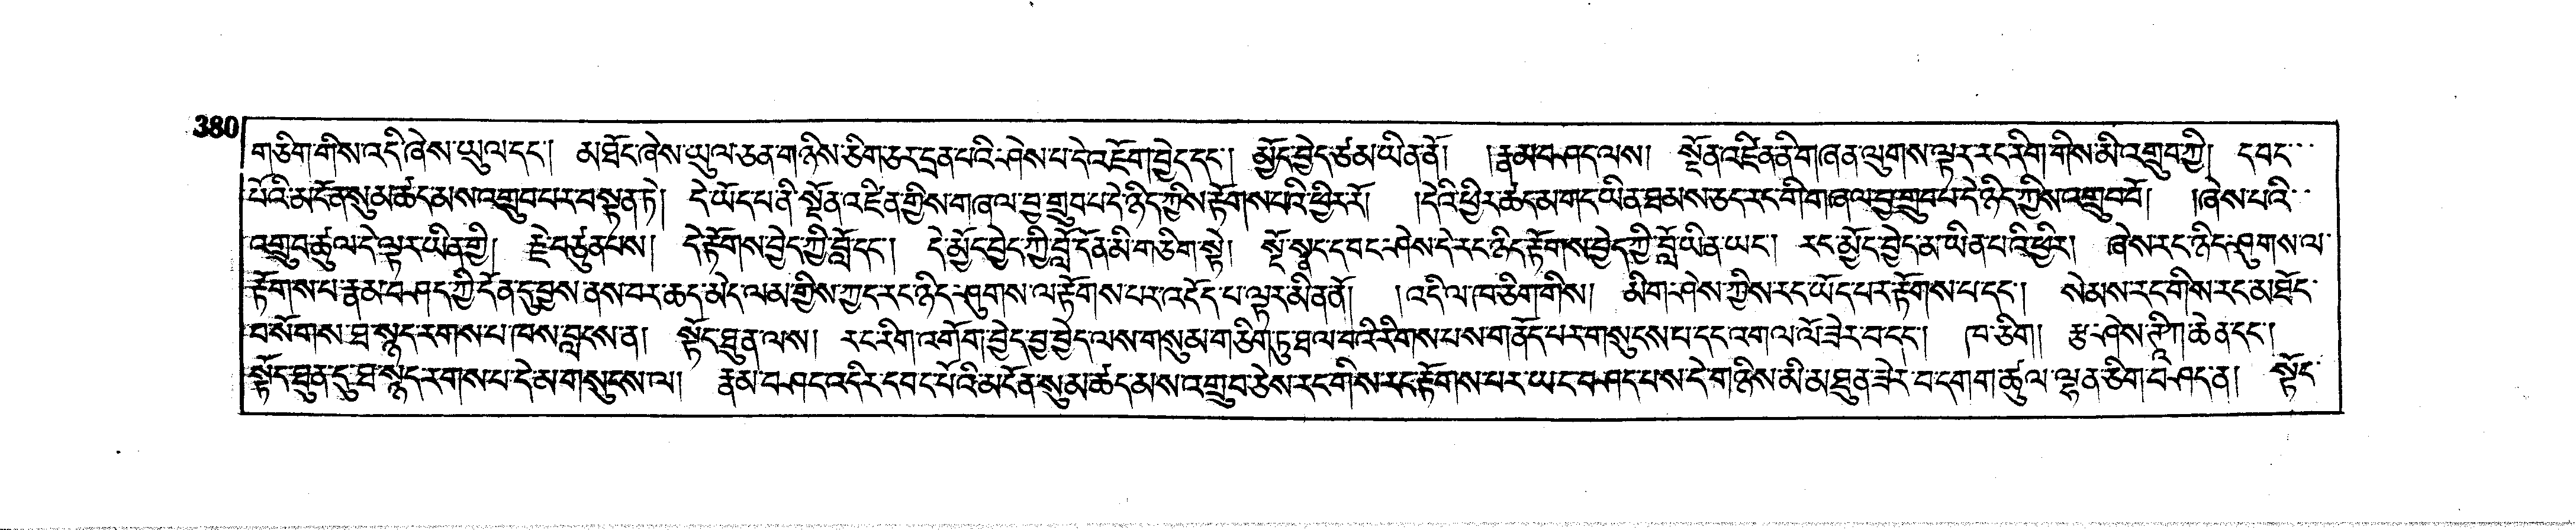གཅིག་གིས་འདི་ཞེས་ཡུལ་དང་། མཐོང་ཞེས་ཡུལ་ཅན་གཉིས་ཅིག་ཅར་དྲན་པའི་ཤེས་པ་དེ་འཇོག་བྱེད་དང་། མྱོང་བྱེད་ཙམ་ཡིན་ནོ། །རྣམ་བཤད་ལས། སྔོན་འཛིན་ནི་གཞན་ལུགས་ལྟར་རང་རིག་གིས་མི་འགྲུབ་ཀྱི། དབང་
པོའི་མངོན་སུ་ཚད་མས་འགྲུབ་པར་བསྟན་ཏེ། དེ་ཡོད་པ་ནི་སྔོན་འཛིན་གྱིས་གཞལ་བྱ་གྲུབ་པ་དེ་ཉིད་ཀྱིས་རྟོགས་པའི་ཕྱིར་རོ། །དེའི་ཕྱིར་ཚད་མ་གང་ཡིན་ཐམས་ཅད་རང་གི་གཞལ་བྱ་གྲུབ་པ་དེ་ཉིད་ཀྱིས་འགྲུབ་བོ། །ཞེས་པའི་
འགྲུབ་ཚུལ་དེ་ལྟར་ཡིན་གྱི། རྗེ་བཙུན་པས། དེ་རྟོགས་བྱེད་ཀྱི་བློ་དང་། དེ་མྱོང་བྱེད་ཀྱི་བློ་དོན་མི་གཅིག་སྟེ། སྔོ་སྣང་དབང་ཤེས་དེ་རང་ཉིད་རྟོགས་བྱེད་ཀྱི་བློ་ཡིན་ཡང་། རང་མྱོང་བྱེད་མ་ཡིན་པའི་ཕྱིར། ཞེས་རང་ཉིད་ཤུགས་ལ་
རྟོགས་པ་རྣམ་བཤད་ཀྱི་དོན་དུ་བྱས་ནས་བར་ཆད་མེད་ལམ་གྱིས་ཀྱང་རང་ཉིད་ཤུགས་ལ་རྟོགས་པར་འདོད་པ་ལྟར་མིན་ནོ། །འདི་ལ་ཁ་ཅིག་གིས། མིག་ཤེས་ཀྱིས་རང་ཡོད་པར་རྟོགས་པ་དང་། སེམས་རང་གིས་རང་མཐོང་
བ་སོགས་ཐ་སྙད་རགས་པ་ཁས་བླངས་ན། སྟོང་ཐུན་ལས། རང་རིག་འགོག་བྱེད་བྱ་བྱེད་ལས་གསུམ་གཅིག་ཏུ་ཐལ་བའི་རིགས་པས་གནོད་པར་གསུངས་པ་དང་འགལ་ལོ་ཟེར་བ་དང་། ཁ་ཅིག །རྩ་ཤེས་ཊཱིཀ་ཆེན་དང་།
སྟོང་ཐུན་དུ་ཐ་སྙད་རགས་པ་དེ་མ་གསུངས་ལ། རྣམ་བཤད་འདིར་དབང་པོའི་མངོན་སུམ་ཚད་མས་འགྲུབ་ཅེས་རང་གིས་རང་རྟོགས་པར་ཡང་བཤད་པས་དེ་གཉིས་མི་མཐུན་ཟེར་བ་དགག་ཚུལ་ལྷན་ཅིག་བཤད་ན། སྟོང་